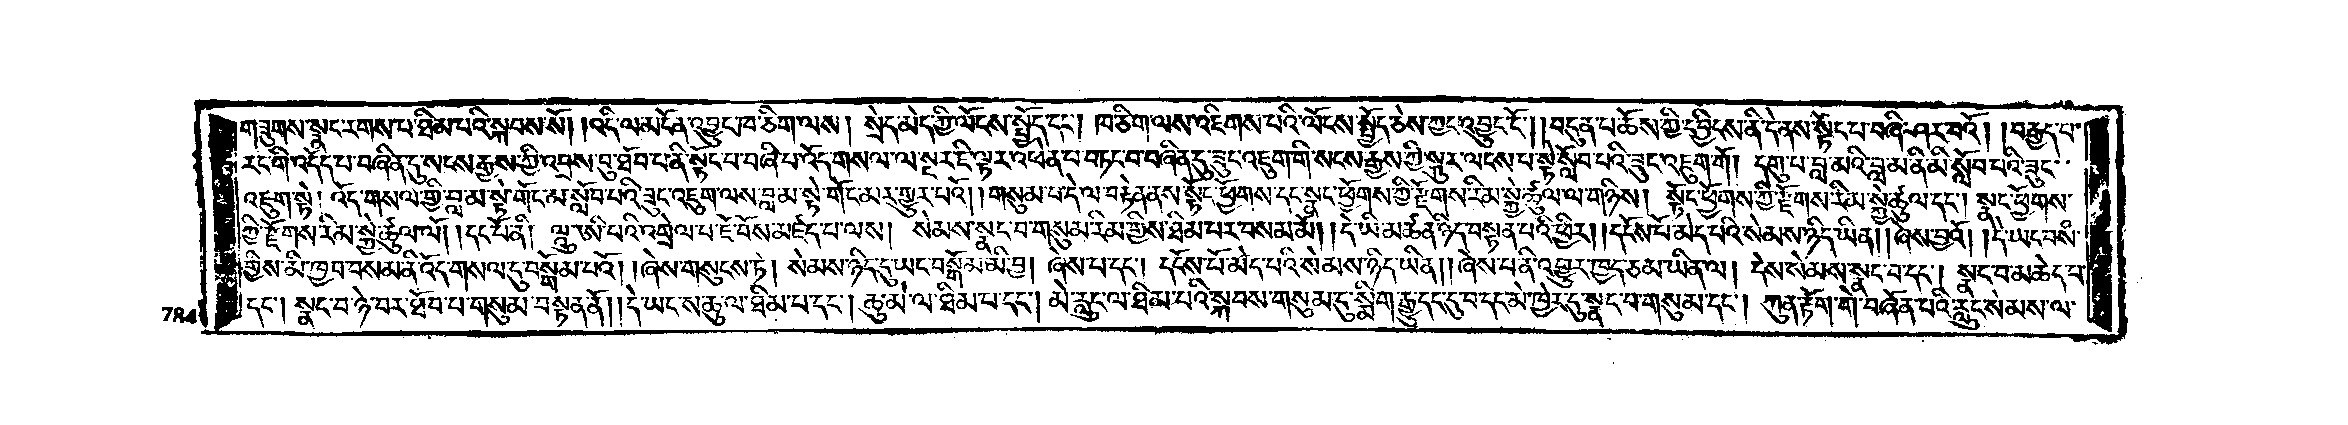གཟུགས་སྣང་རགས་པ་ཐིམ་པའི་སྐབས་སོ། །འདི་ལ་མངོན་འབྱུང་ཁ་ཅིག་ལས། སྲེད་མེད་ཀྱི་ལོངས་སྤྱོད་དང་། ཁ་ཅིག་ལས་འཇིགས་པའི་ལོངས་སྤྱོད་ཅེས་ཀྱང་འབྱུང་ངོ། །བདུན་པ་ཆོས་ཀྱི་དབྱིངས་ནི་དེ་ནས་སྟོང་པ་བཞི་ཤར་བའོ། །བརྒྱད་པ་
རང་གི་འདོད་པ་བཞིན་དུ་སངས་རྒྱས་ཀྱི་འབྲས་བུ་ཐོབ་པ་ནི་སྟོང་པ་བཞི་པ་འོད་གསལ་ལ་སྔར་ཇི་ལྟར་འཕེན་པ་བཏང་བ་བཞིན་དུ་ཟུང་འཇུག་གི་སངས་རྒྱས་ཀྱི་སྐུར་ལངས་པ་སྟེ་སློབ་པའི་ཟུང་འཇུག་གོ། དགུ་པ་བླ་མའི་བླ་མ་ནི་མི་སློབ་པའི་ཟུང་
འཇུག་སྟེ། འོད་གསལ་གྱི་བླ་མ་སྟེ་གོང་མ་སློབ་པའི་ཟུང་འཇུག་ལས་བླ་མ་སྟེ་གོང་མར་གྱུར་པའོ། །གསུམ་པ་དེ་ལ་བརྟེན་ནས་སྟོང་ཕྱོགས་དང་སྣང་ཕྱོགས་ཀྱི་རྫོགས་རིམ་སྐྱེ་ཚུལ་ལ་གཉིས། སྟོང་ཕྱོགས་ཀྱི་རྫོགས་རིམ་སྐྱེ་ཚུལ་དང་། སྣང་ཕྱོགས་
ཀྱི་རྫོགས་རིམ་སྐྱེ་ཚུལ་ལོ། །དང་པོ་ནི། ལཱུ་ཨི་པའི་འགྲེལ་པ་ཇོ་བོས་མཛད་པ་ལས། སེམས་སྣང་བ་གསུམ་རིམ་གྱིས་ཐིམ་པར་བསམ་མོ། །དེ་ཡི་མཚན་ཉིད་བསྟན་པའི་ཕྱིར། །དངོས་པོ་མེད་པའི་སེམས་ཉིད་ཡིན། །ཞེས་བྱའོ། །དེ་ཡང་བསམ་
གྱིས་མི་ཁྱབ་བསམ་ནི་འོད་གསལ་དུ་བསྒོམ་པའོ། །ཞེས་གསུངས་ཏེ། སེམས་ཉིད་དུ་ཡང་བསྒོམ་མི་བྱ། ཞེས་པ་དང་། དངོས་པོ་མེད་པའི་སེམས་ཉིད་ཡིན། །ཞེས་པ་ནི་འགྱུར་ཁྱད་ཙམ་ཡིན་ལ། དེས་སེམས་སྣང་བ་དང་། སྣང་བ་མཆེད་པ་
དང་། སྣང་བ་ཉེ་བར་ཐོབ་པ་གསུམ་བསྟན་ནོ། །དེ་ཡང་ས་ཆུ་ལ་ཐིམ་པ་དང་། ཆུ་མེ་ལ་ཐིམ་པ་དང་། མེ་རླུང་ལ་ཐིམ་པའི་སྐབས་གསུམ་དུ་སྨིག་རྒྱུད་དང་དུ་བ་དང་མེ་ཁྱེར་དུ་སྣང་བ་གསུམ་དང་། ཀུན་རྟོག་གེ་བཞོན་པའི་རླུང་སེམས་ལ་